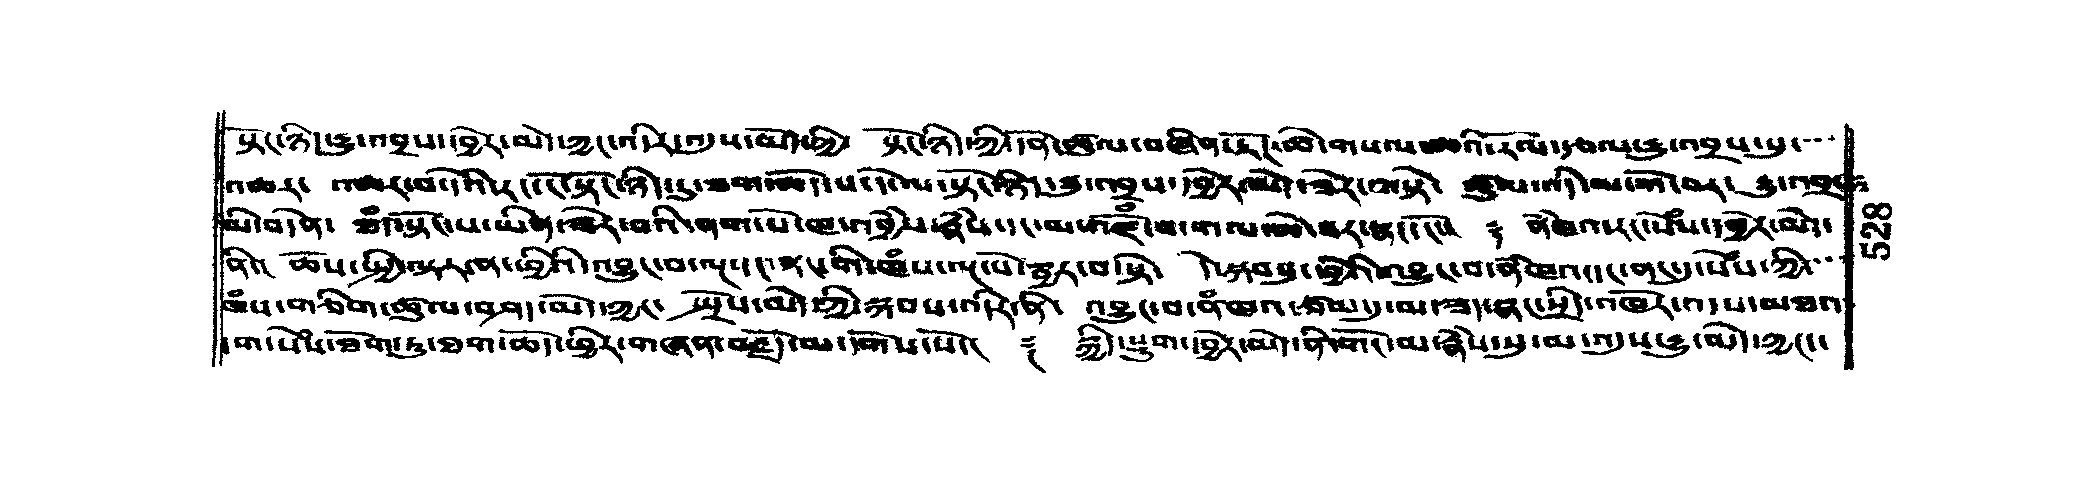སྟོང་ཉིད་རྒྱུ་འབྲས་དབྱེར་མེད་ཀྱང་འདིར་འདུས་མོད་ཀྱི། སྟོང་ཉིད་ཀྱི་དོན་ཚུལ་བཞིན་རྟོགས་ཚེ་གསལ་བའི་རོལ་རྩལ་རྒྱུ་འབྲས་སུ་
འཆར།འཆར་བ་དེའི་རང་ངོ་སྟོང་ཉིད་དུ་ཐག་ཆོད་པ་དེ་ལ་སྟོང་ཉིད་རྒྱུ་འབྲས་དབྱེར་མེད་ཟེར་བ་སྟེ། ཚུལ་འདི་མ་གོ་བར། རྒྱུ་འབྲས་
མི་བདེན། ཐམས་ཅད་སྟོང་པ་ཡིན་ཟེར་པའི་ནག་པོ་ཁ་འབྱམས་རྣམས་དང་མ་འཛོལ་པ་གལ་ཆེ་བར་སྣང་ངོ་། ༈ ནམ་མཁའ་རང་སེམས་དབྱེར་མེད་
ནི། ཆོས་སྤྱི་ལྟར་ན་ཕྱིའི་འབྱུང་བ་ལྔ་དང་ནང་གི་ཁམས་ལྔ་པོ་སྦྱར་བ་སྟེ། དེ་སྐབས་སུ་ཕྱིའི་འབྱུང་བ་ནམ་མཁའ་དང་ནང་དུ་སེམས་ཀྱི་
ཁམས་གཅིག་ཚུལ་བཤད་མོད་ཀྱང་། སྤྲོས་མེད་ཀྱི་སྐབས་འདིར་ནི། འབྱུང་བ་ནམ་མཁའ་ཙམ་དུ་མ་ཟད་སྣང་སྲིད་འཁོར་འདས་མཐའ་
དག་སེམས་ཐོག་ཏུ་ཐག་ཆོད་ཕྱིར་གཞན་བརྗོད་མ་དགོས་སོ། ༈ སྐྱིད་སྡུག་དབྱེར་མེད་ནི་གོང་མ་རྣམས་སུ་མ་འདུས་རྒྱུ་མེད་ཀྱང་།